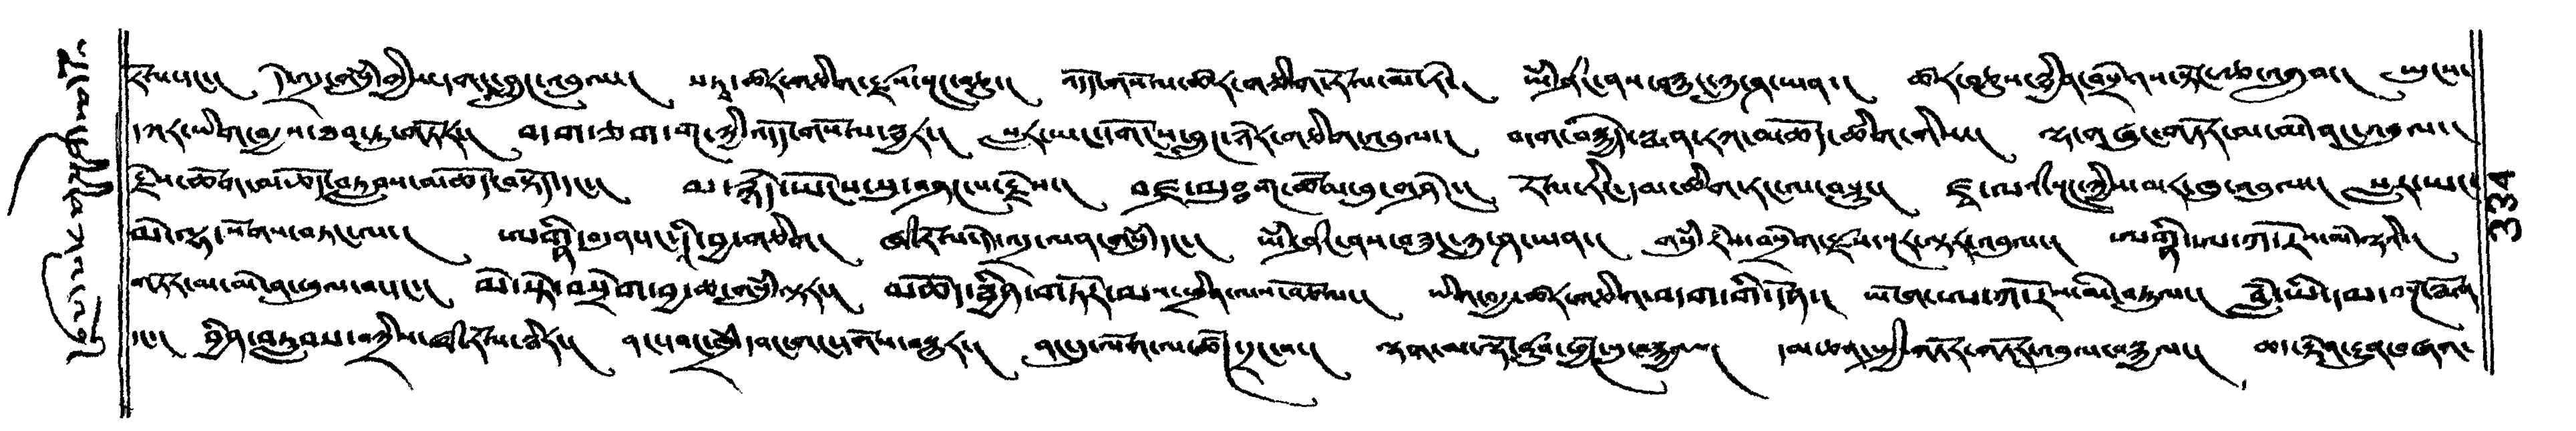རོལ་དང་། །དེ་འདྲ་གསུམ་གྱིས་དགང་བླུགས་འབུལ། །སཏྭ༴ ཚར་གཅིག་རྫས་སྔགས་བཅུ། །འདོད་གསོལ་ཚར་གཅིག་རོལ་མོ་ཏེ། །ཡམ་ཤིང་ནས་བཟུང་ཀུ་ཤ་ཡན། །ཚར་བཅུས་སྦྱིན་སྲེག་སྟོང་རྩ་འགྲུབ། །ཡུངས་
དཀར་ཡིག་བརྒྱས་ཐབ་ཏུ་གཏོར། །བདག་ཅག༴ སོགས་ཀྱི་འདོད་གསོལ་སྦྱར། ། སླར་ཡང་དགང་བླུགས་ཉེར་གཅིག་འབུལ། །བདག་བསྐྱེད་སྨན་རཀ་མཆོད་ཚིག་གིས། །ལྷ་གཞུང་གཏོར་མ་མེ་ནང་འབུལ། །
རྗེས་ཆོག་མཆོད་རླབ་མཆོད་བསྟོད་དང་། །མ་རྙེད་ཡོངས་སུ༴ བཤགས་པའི་རྗེས། །བཛྲ་མུཿ སོགས་ཚོམ་བུ་གཤེགས། །རོལ་རིང་དམ་ཚིག་རང་ལ་བསྡུ། ཛྭ་ལ འ ི་སྔགས་ཀྱིས་མར་ཁུ་འབུལ། །སླར་ཡང་
མེ་ལྷ༴ སོགས་བཏང་ལ། །ཨགྣི༴ བདུན་དང་དཱི་བྱ༴ གཅིག ཞི་རོལ་དེ་འདྲ་ལན་གསུམ་དང་། །ཡམ་ཤིང་ནས་བཟུང་ཀུ་ཤ་ཡན། །གསུམ་རེས་སྲེག་རྫས་སྔར་ལྟར་འབུལ། །ཨགྣི་ཨ་ཀ་རོ ས་མེ་ལྷའི། །
གཏོར་མ་མེ་ནང་འཕུལ་བ་དང་། །མེ་སྟེ་བསྲེག་བྱ༴ ཆ་གསུམ་ལྟར། །མཆོད་སྦྱིན་གཏོར་མ ས་ཕྲིན་ལས་བཅོལ།།ཡིག་བརྒྱ་ཚར་གཅིག་བདག་གི་དོན། །ཡོ་ག་ཨ་ཀ་རོ ས་མེ་བཏུལ། །བླ་མ་ཡི་དམ༴ བསྔོ་སྨོན་
དང་། །བྱིན་བརླབས༴ བཀྲ་ཤིས་ཞི་རོལ་སྦིར། །ནང་དབང་ཁྲོམ་དབང་གང་དགོས་བསྐུར། །ནང་དུ་ལོག་ལ་ཚོགས་དྲང་བ། །ལྷག་མ་ལྷོ་ནུབ་ཕྱོགས་སུ་བསྐྱལ། །དམ་ཅན་སྤྱི་གཏོར་གཏོར་འབུལ་བསྐྱལ། །ཆད་བརྟན་རྒྱུན་བཞག་